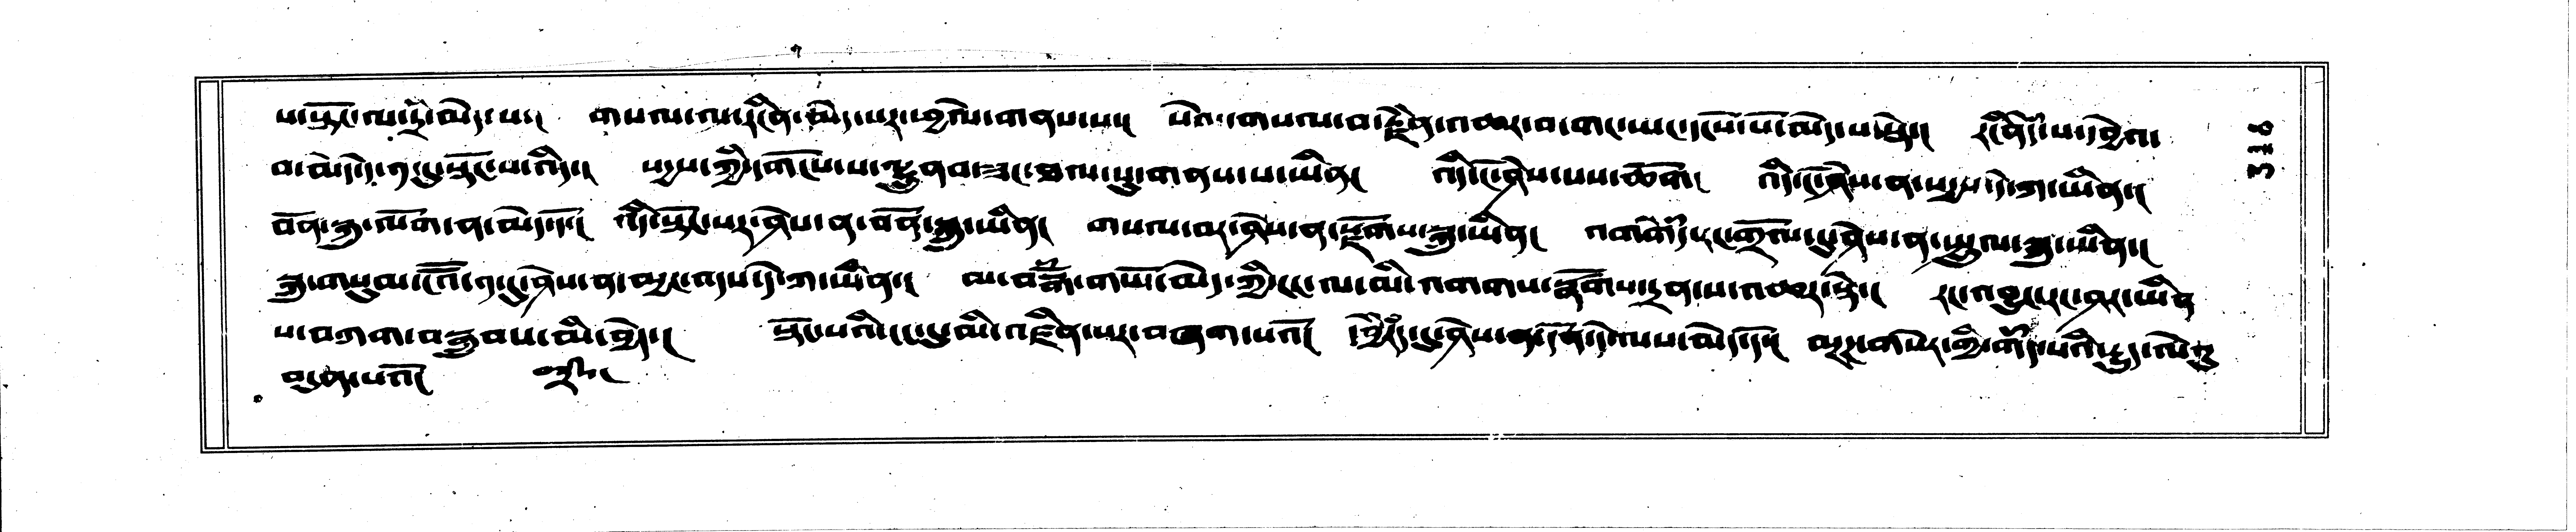པ་གསལ་༼སྟོང༽ལ་དྲི་མ་མེད་པ། གསལ་ལ་རང་བཞིན་མེད་པ་ཕྱལ་ལེ་གནས་པ་སལེ་གསལ་བ་རྗེན་ནེ་འཆར་བ། གང་ཡང་དངོས་པོ་མེད་དེ་རང་བཞིན་མེད་པ། དབྱེ་
བ་མེད་དེ་ཅིག་དུ་རྟོགས་པ་འདི། སངས་རྒྱས་ཀྱིས་དགོངས་པ་ལྷུན་གྲུབ་ཀྱིས་ཟང་ཏལ་དུ་གནས་ཡིན་ནོ། འདི་ངོ་ཤེས་པས་ཆོག་གོ འདི་ངོ་ཤེས་ན་སངས་རྒྱས་དེ་ཀ་ཡིན།
 བོན་སྐུ་ལོག་ན་མེད་དོ། འདི་སྟོང་པར་ཤེས་ན་བོན་སྐུ་ཡིན། གསལ་བར་ཤེས་ན་རྫོགས་སྐུ་ཡིན། གྷག་(འགག༽མེད་རང་གྲོལ་དུ་ཤེས་ན་སྤྲུལ་སྐུ་ཡིན།
 སྐུ་གསུམ་ངོའོ་ཡང་ཅིག་དུ་ཤེས་ན་མྱོང་༼མྱང༽འདས་དེ་ཀ་ཡིན། མི་སྒོམས་གཡོ་མེད་ཀྱི་ངང་ལས་མི་འགག་སྣ་ཚོགས་དྲན་པ་འཆར་ཏེ། རང་འབྱུང་རང་ཤར་ཡིན་
པས་བཀག་བསྒྲུབ་མི་བྱེད་སྟེ། སྟོང་པའི་ངང་དུ་མི་འཛིན་པར་བཞག་པའོ། དེ་དབྱེར་མེད་དུ་ཤེས་ནས་དོན་དེ་ལས་མེད་དོ། མེན་ངག་གསེར་གྱིས་གདམ་པའི་རྒྱུད་ལེའུ་བདུན་པའོ། །བཀྲ་ཤིས། །